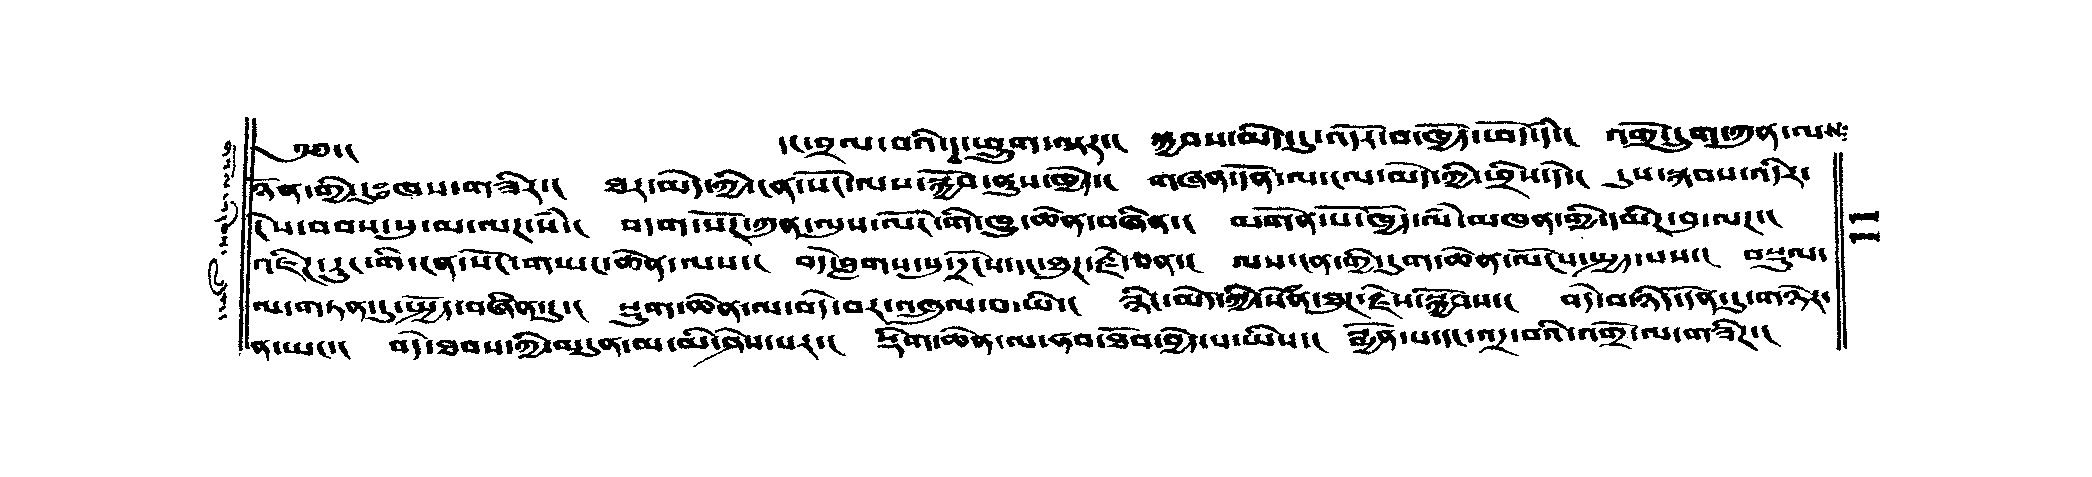དང་བྲལ་བའི་དྭ་ཕྲུག་ལྟར། །སྐྱབས་མེད་དུ་འདོར་བ་ཁྱོད་ཕོད་དམ། །འགྲོ་དྲུག་ཀུན་ལས་
ཉོན་གྱི་དུཿཁས་གཟིར། །ཐར་མེད་ཀྱི་ངན་སོང་ལས་སྐྱོབས་ནུས་ཁྱེད། །གཞན་དོན་ལ་ངལ་མེད་ཀྱི་ཕྲིན་ལས་སྟེ། །དུས་སྐབས་འདིར་
ངེས་བབས་སུ་མ་ལགས་སམ། །བདག་སོགས་ཀུན་དམུུས་ལོང་གི་ཁྱུ་ཆེན་བཞིན། །མགོན་པོ་ཁྱོད་ལམ་མཁན་གྱི་དམིགས་བུ་ལགས། །
འཇིགས་རུང་གི་ངན་སོང་གཡང་ཆེན་ལས། །བདེ་བླགས་སུ་དྲོངས་དང་ཐུགས་རྗེ་ཅན། །ལས་ངན་གྱི་དུག་ཆེན་ལོངས་སྤྱད་པས། །སྡུག་བསྔལ་
ལ་གཏན་དུ་སྤྱོད་བཞིན་དུ། །སྡུག་ཆེན་ལ་བདེ་བར་འཁྲུལ་བ་ཡི། །སྙིང་མེད་ཀྱི་སེམས་ཅན་ཐུགས་རྗེས་སྐྱོབས། །བདེ་བ་ཉིད་དོན་དུ་གཉེར་
ན་ཡང་། །བདེ་ཐབས་ཀྱི་འདུན་མ་མི་ཤེས་པར། །སྡིག་ཆེན་ལ་ཧབ་ཐོབ་བྱེད་པ་ཡིས། །སྨྱོན་པ་དང་འདྲ་བའི་འགྲོ་ལ་གཟིགས།།